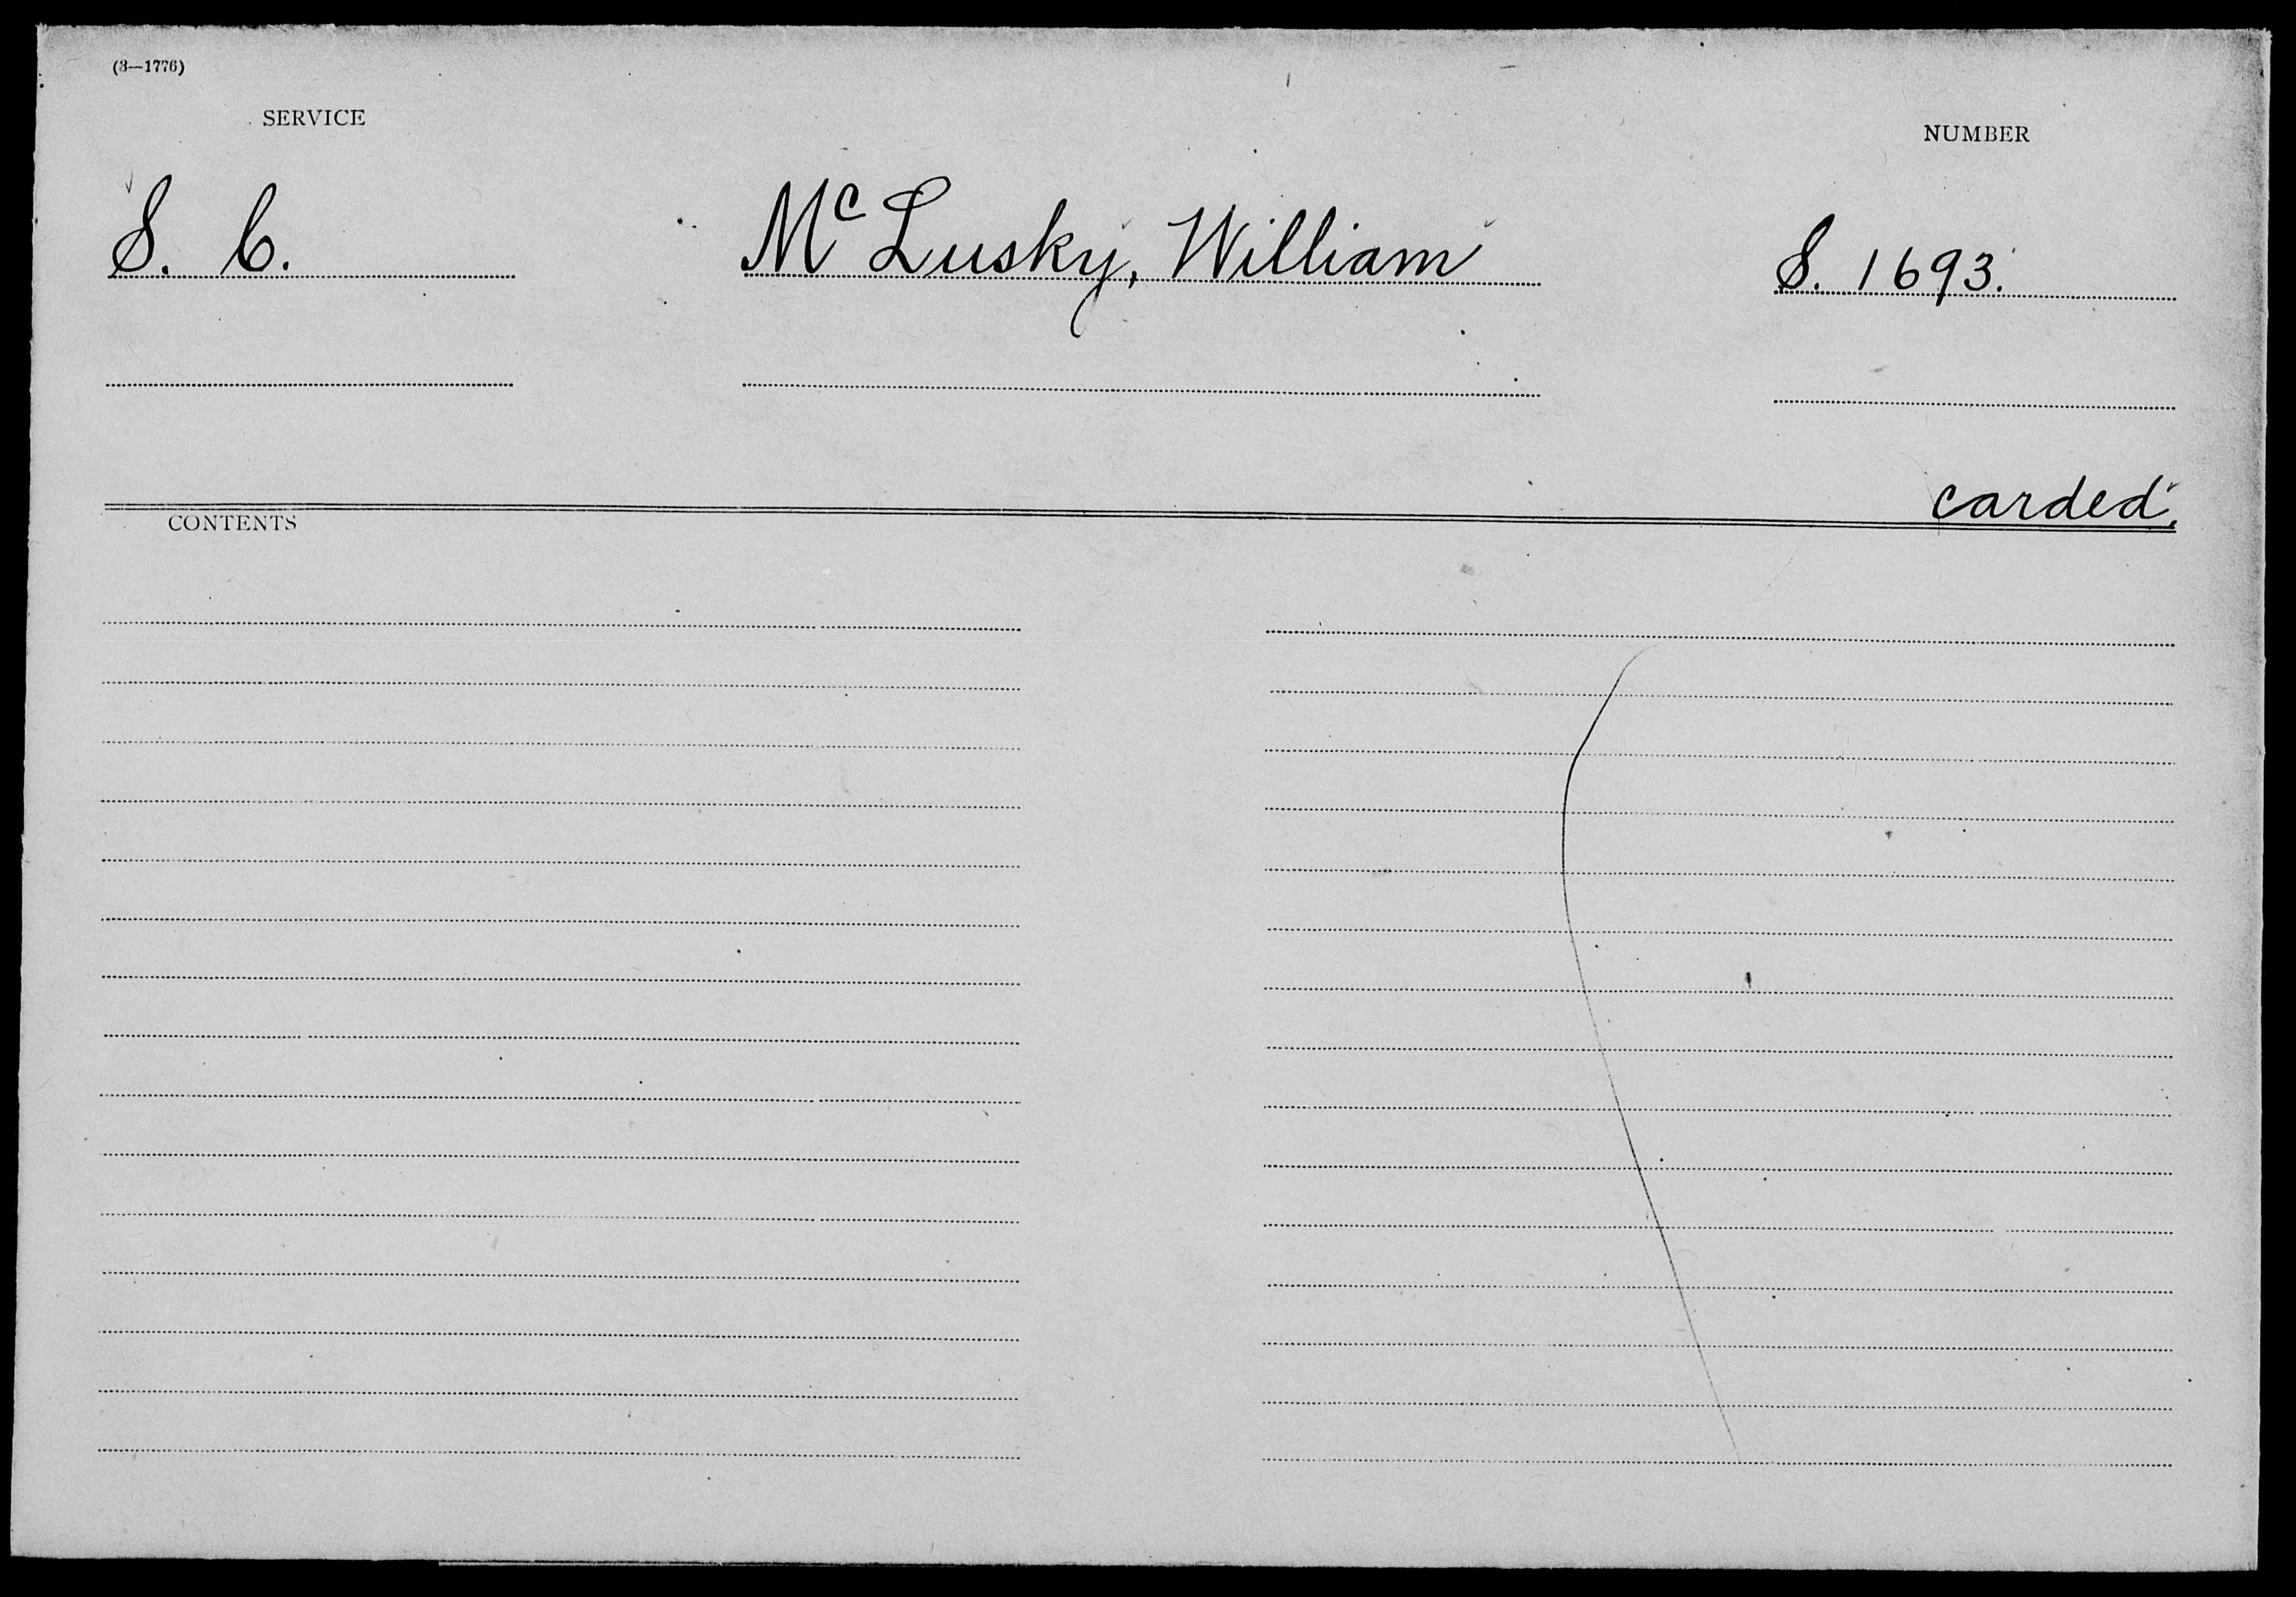(3 - 1776) 

SERVICE 

S. C. CONTENTS
McLusky, William 

NUMBER S. 1693. 
carded-
—————————————-
CONTENTS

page: 1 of 14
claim: survivor's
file: S. 1693, for William Mc Lusky, South Carolina